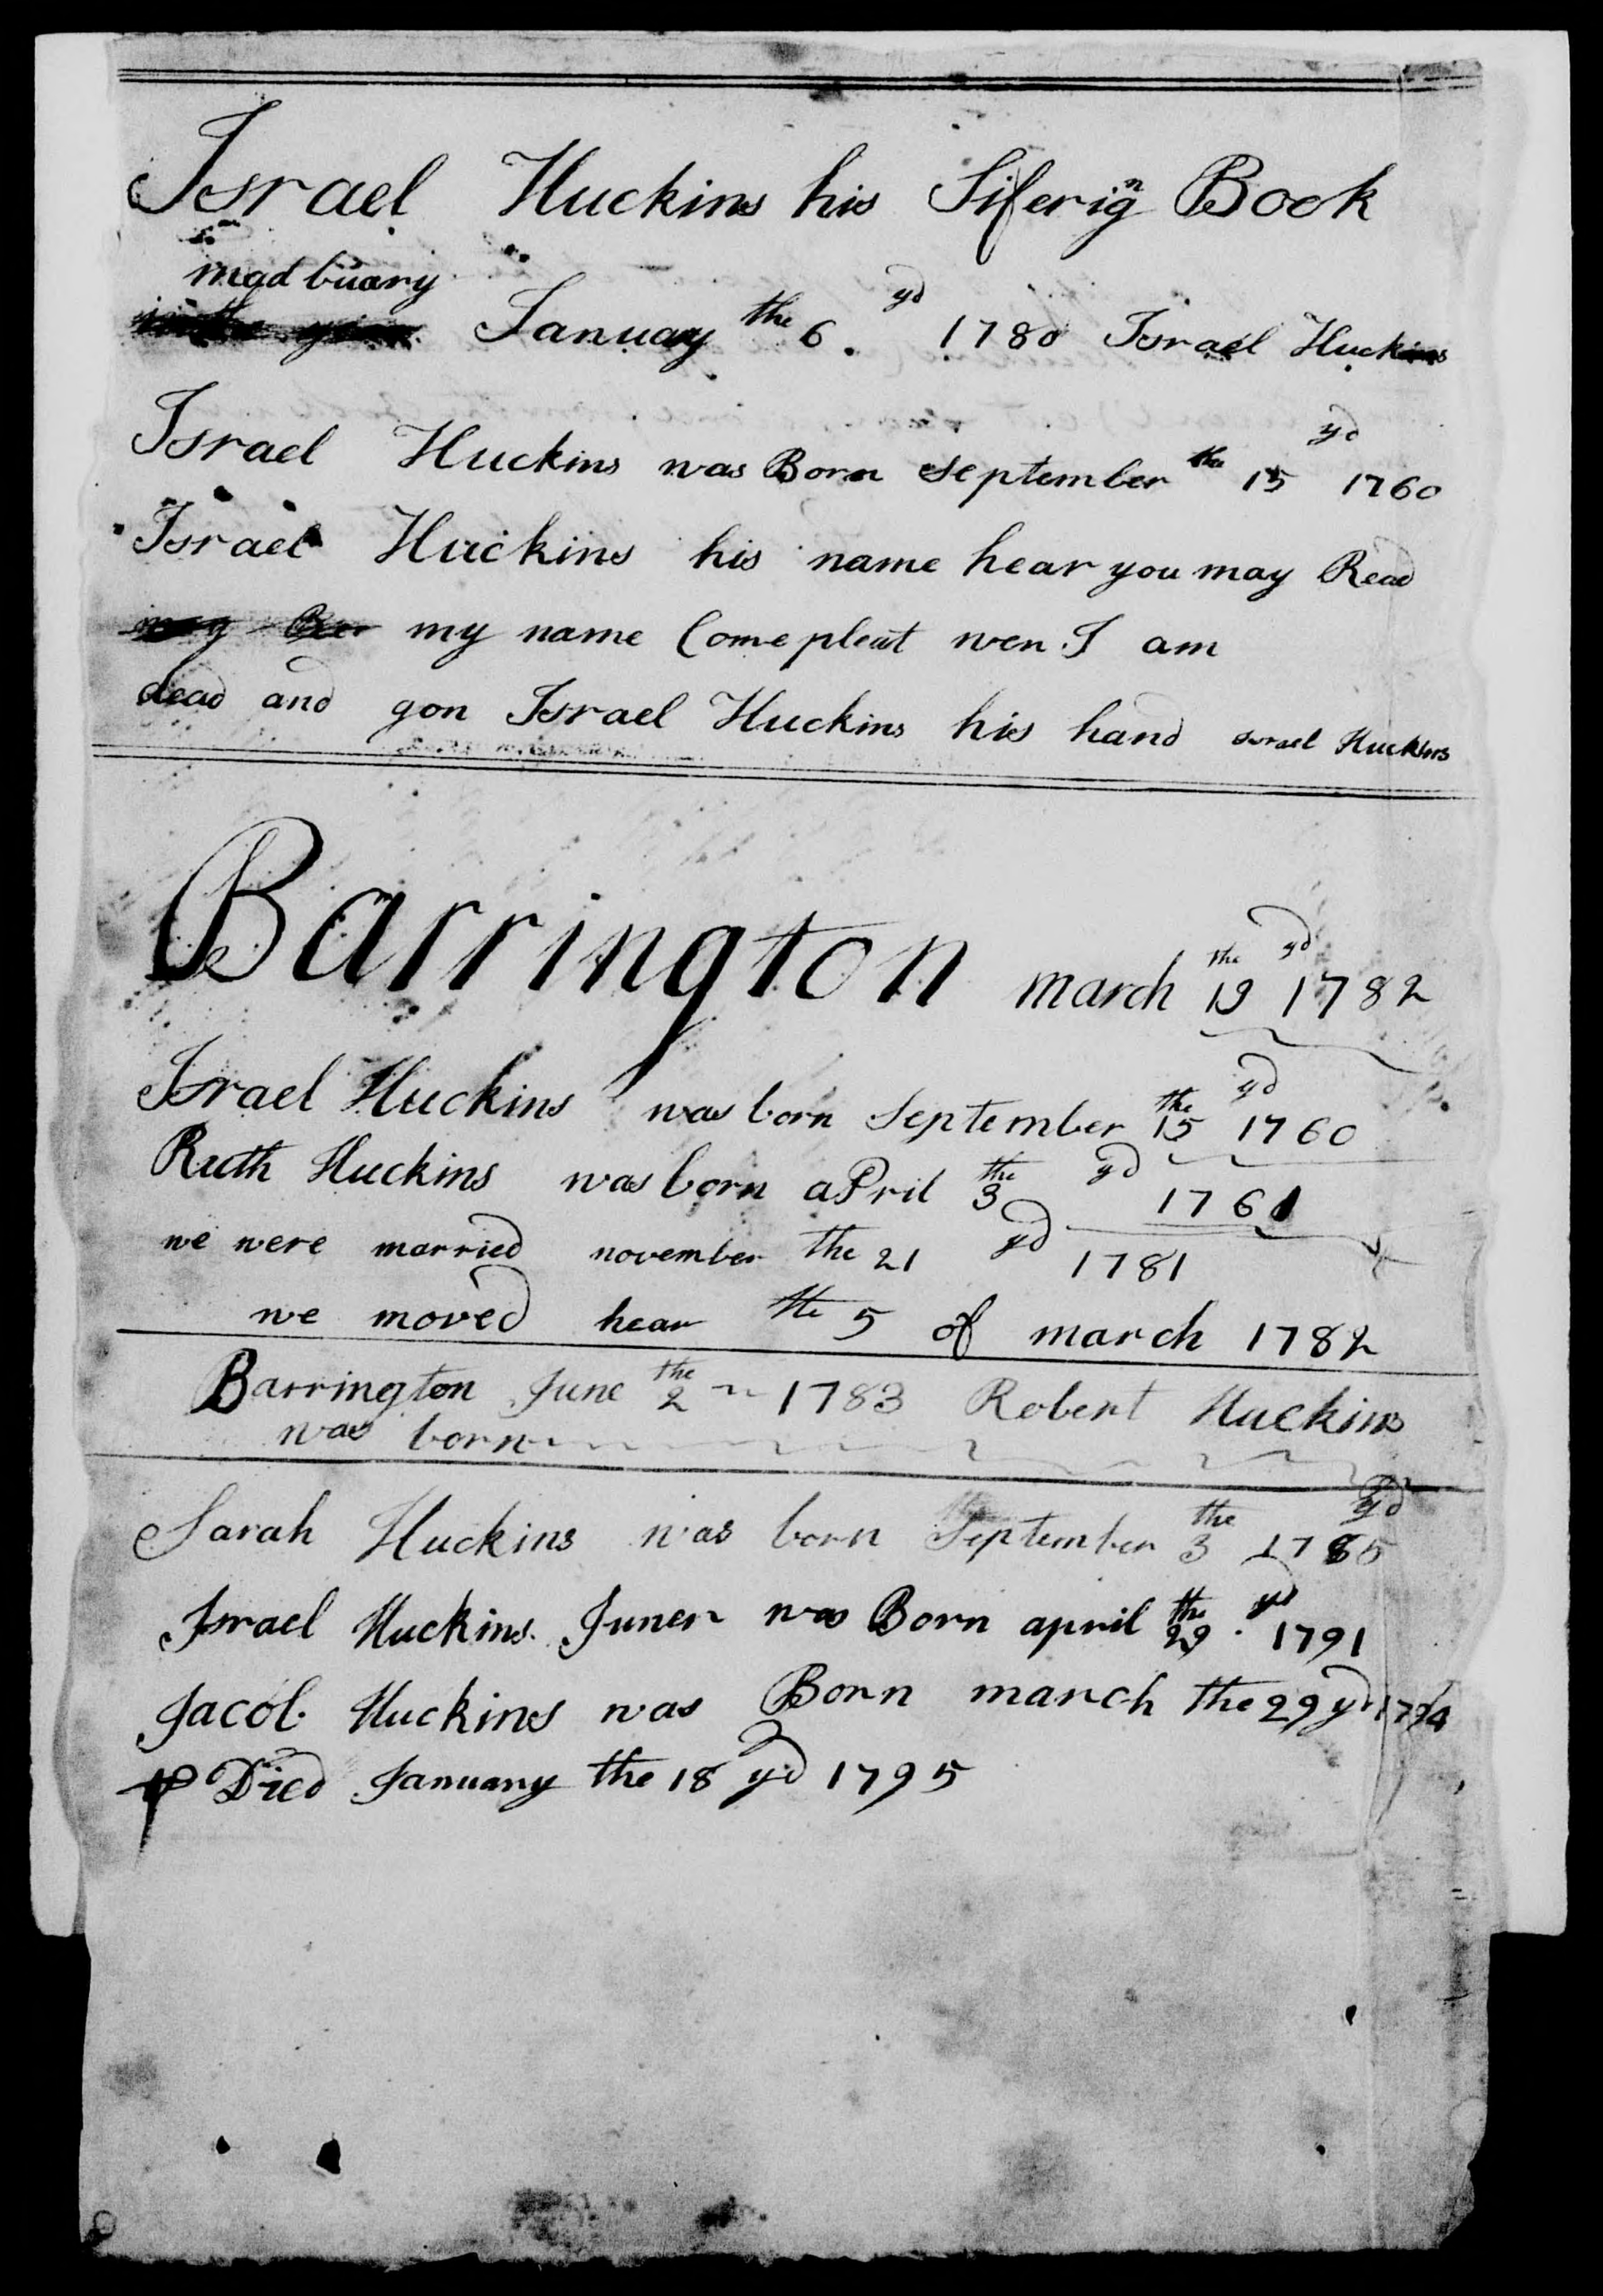Israel Huckins his sifering book mad buary January the 6th 1780 Israel Huckins
Israel Huckins was Born September the 15th 1760
Israel Huckins his name hear you may read my name Compleat wen I am dead and gon Israel Huckins his hand Israel Huckins

Barrington March the 19th 1782
Israel Huckins was born September th 15th 1760
Ruth Huckins was born April the 3rd 1761
We were married November the 21 1781
we moved hear the 5 of March 1782
Barrington June the 2nd 1783 Robert Huckins was born
Sarah Huckins was born September the 3 1785
Israel Huckins Juner was Born april the 29th 1791
Jacob Huckins was Born march the 29th 1794
Died January the 18th 1795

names: Ruth Huckins, Jacob Huckins, Israel Huckins, Robert Huckins, Sarah Huckins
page: 22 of 35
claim: widow's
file: W. 16127, Israel Huckins, N.H.